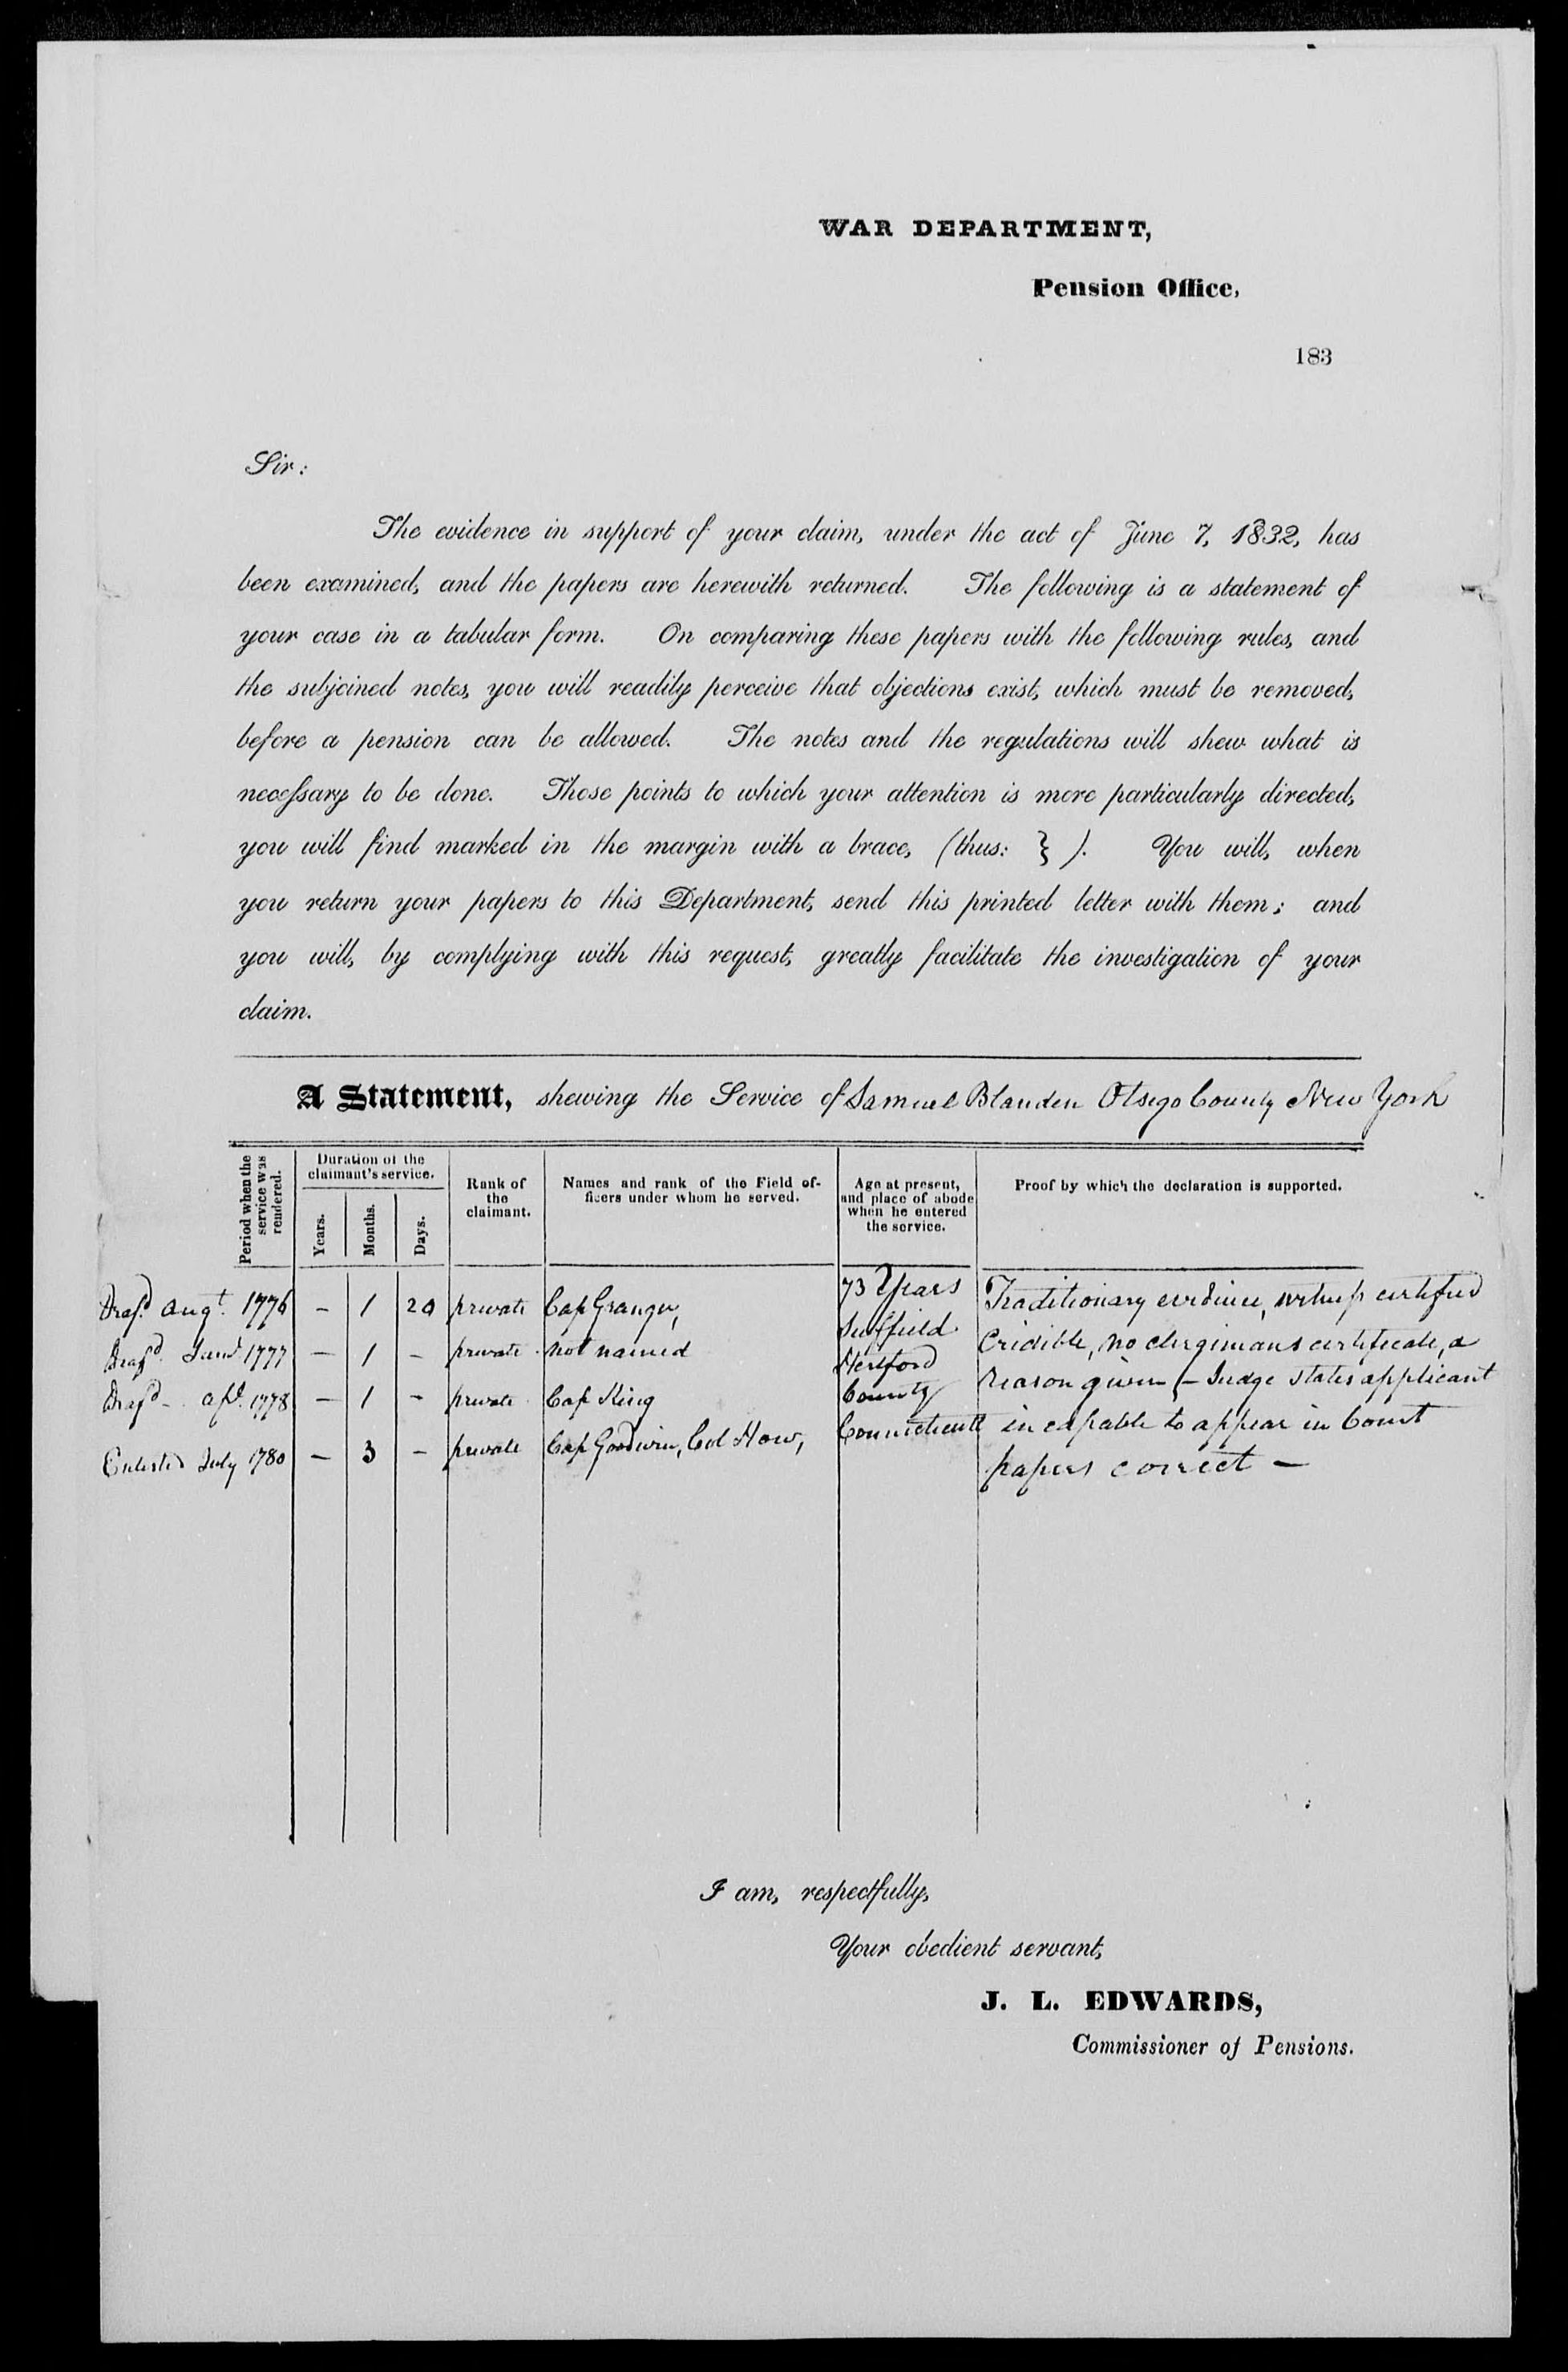WAR DEPARTMENT
Pension Office   
                               183

Sir:

The evidence in support of your claim, under the act of June 7, 1832, has been examined, and the papers are herewith returned. The following is a statement of your case in a tabular form. On comparing these papers with the following rules, and the subjoined notes, you will readily perceive that objections exist, which must be removed, before a pension can be allowed. The notes and the regulations will show what is necessary to be done. Those points to which your attention is more particularly directed, you will find marked in the margin with a brace, (thus:}). You will, when you return your papers to this Department, send this printed letter with them; and you will, by complying with this request, greatly facilitate the investigation of your claim.

A Statement, showing the Service of Samuel Blanden Otsego County New York

Period when the service was rendered: Drafd Augt 1776
Duration of the claimants service: 1 mo, 20 days
Rank of the claimant: private
Names and rank of the Field Officers under whom he served: Cap. Granger
Age at present, and place of abode when he entered the service: 73 years Suffield Hartford County Connecticut
Proof by which the declaration is supported: Traditionary evidence, witness certified credible, no clergyman's certificate, a reason given (Judge states applicant incapable to appear in Court) papers corrected

Period when service was rendered: Drafd Jany 1777
Duration of claimant's service: 1 months
Rank of claimant: private
Names and rank of Field officers under whom he served: not named

Period when the service was rendered: Drafd Apl 1778
Duration of the claimant's service: 1 month
Rank of the claimant: private
Names and rank of the Field Officers under whom he served: Cap King

Period when the service was rendered: Enlisted July 1780
Duration of the claimant's service: 3 months
Rank of claimant: private
Names and rank of the Field officers under whom he served: Capt Goodwin, Col How

I am, respectfully,
Your obedient servant,
J. L. Edwards
Commissioner of Pensions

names: Goodwin, King, Samuel Blanden, How, Granger, J L Edwards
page: 8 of 14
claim: survivor's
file: S. 10389, Samuel Blanden, Conn. Mass